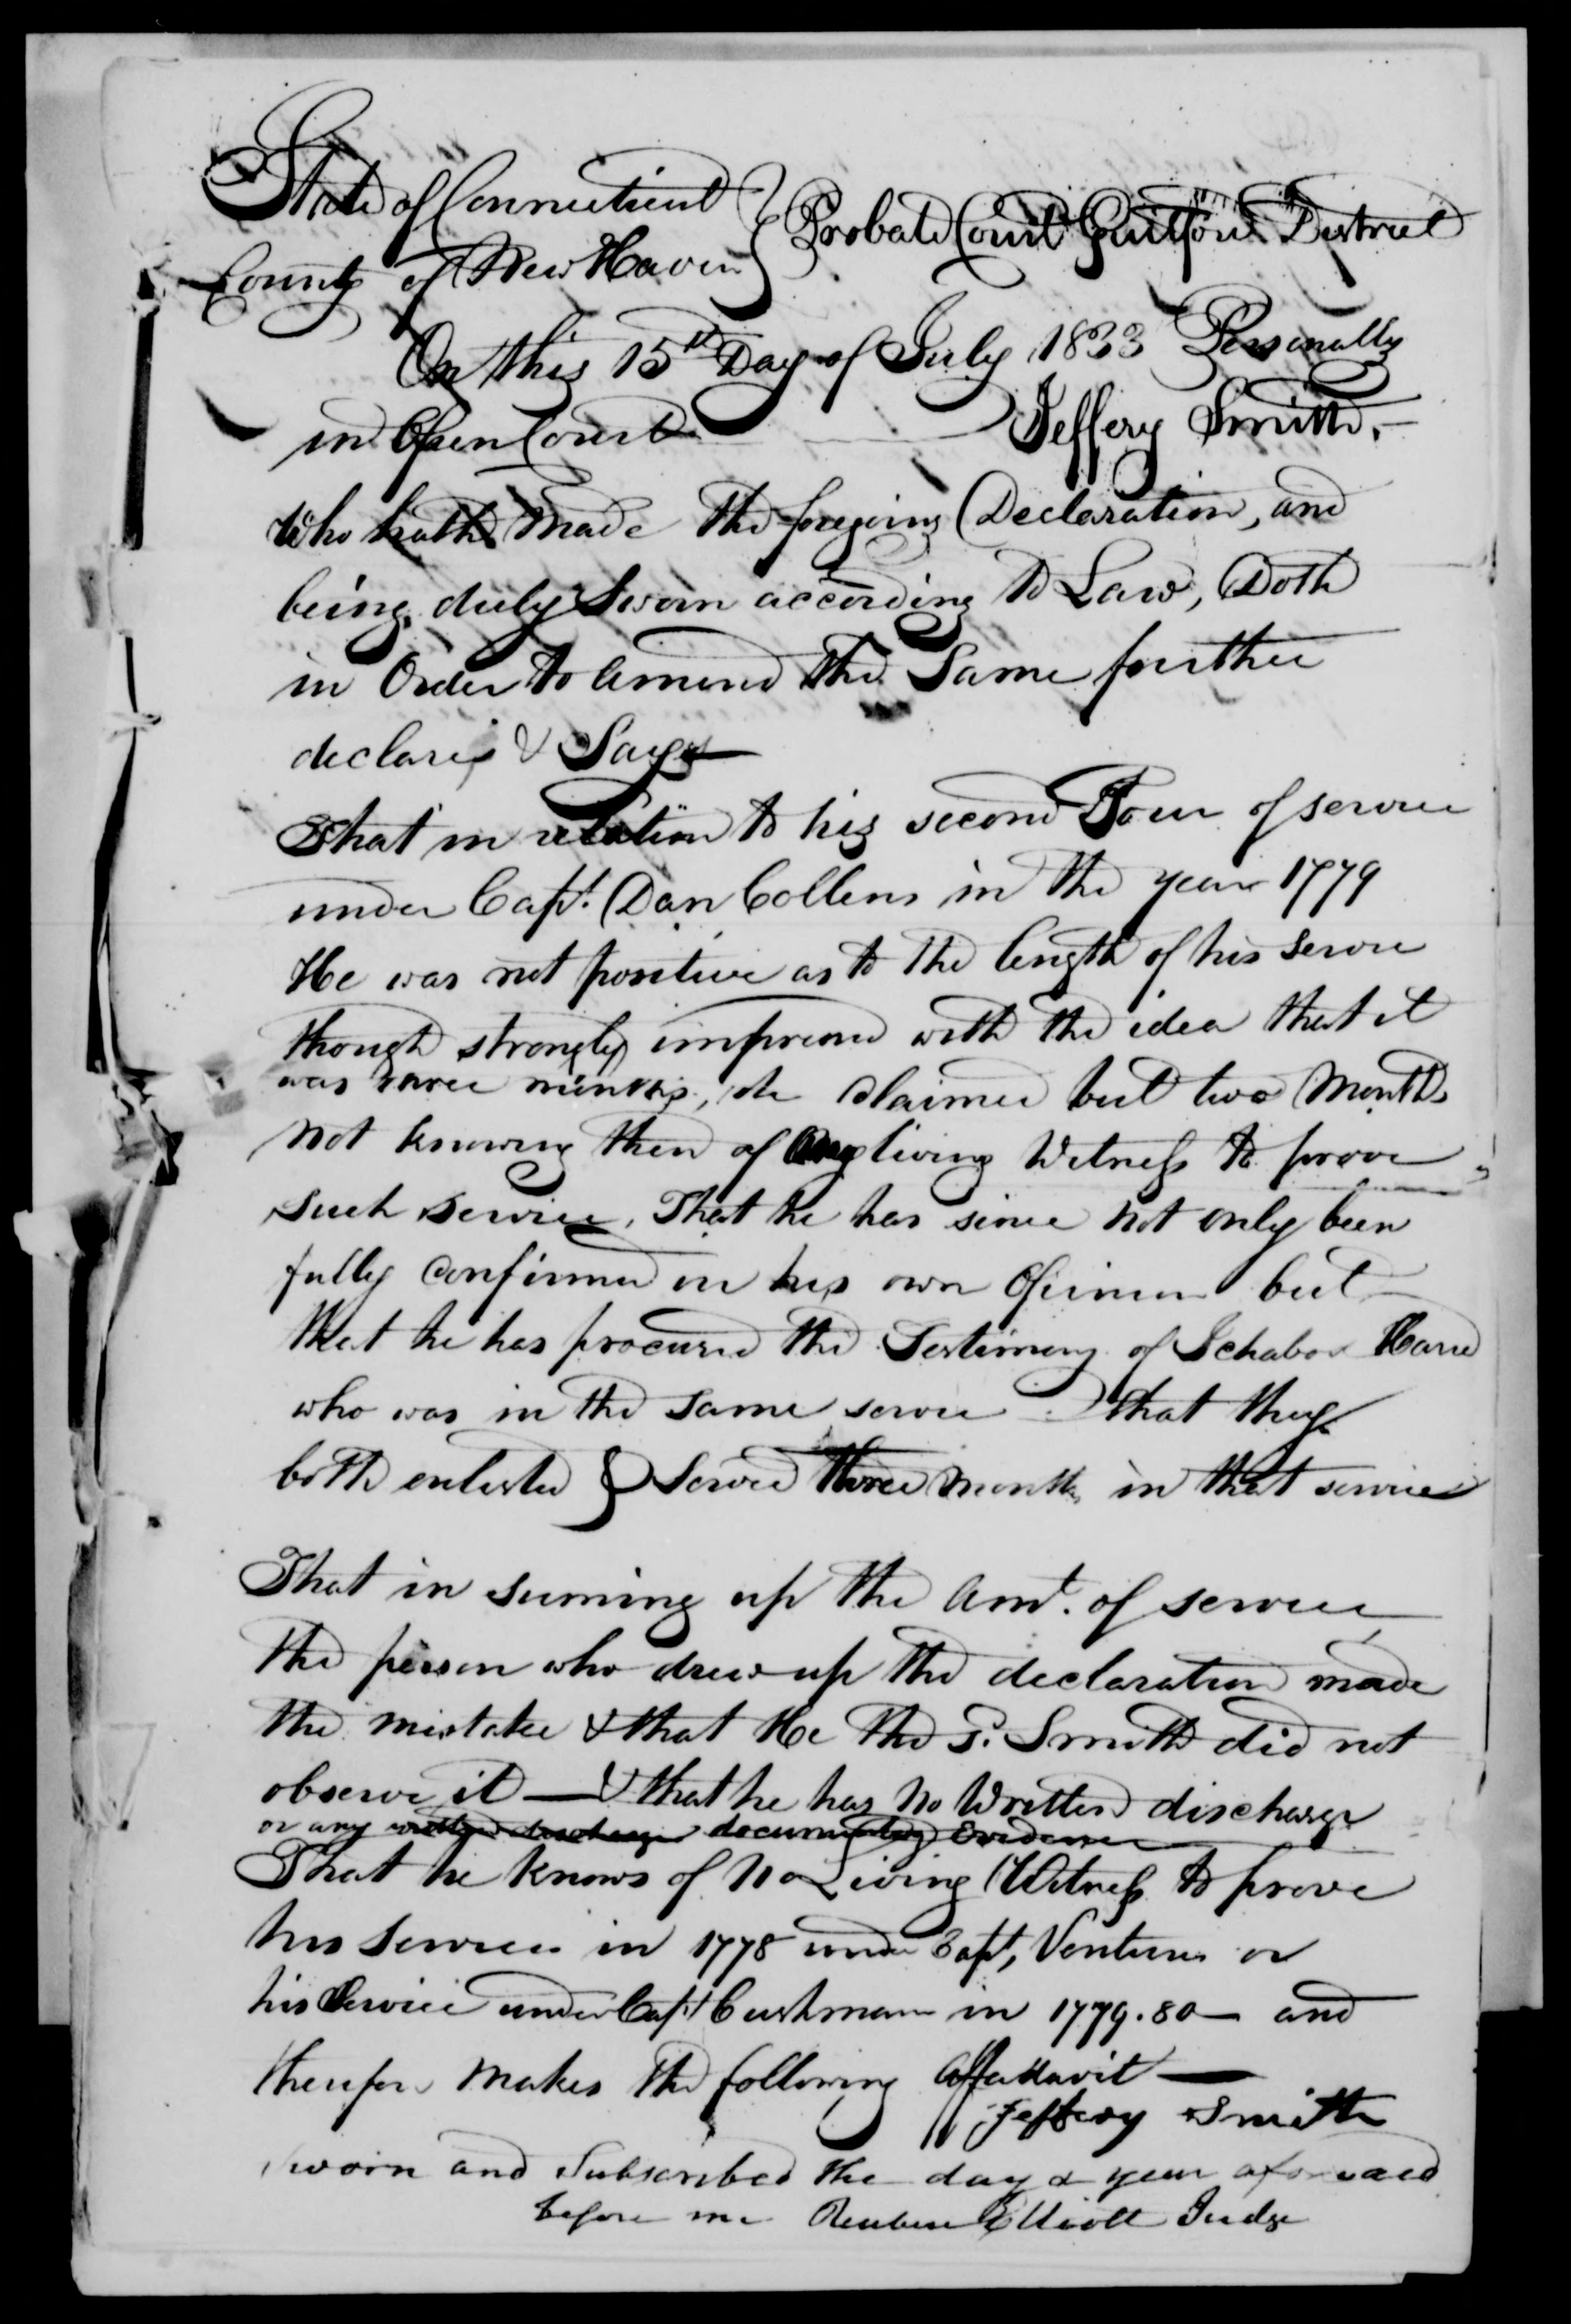State of Connecticut
County of New Haven

Probate Court Guilford District

On this 15th day of July 1833 personally in open court Jeffery Smith, who hath made the foregoing Declaration, and being duly sworn according to law, doth in order to amend the same further declares and says ---
that in relation to his second tour of service under Capt. Dan Collins in the year 1779 he was not positive as to the length of his service though strongly impressed with the idea that it was three months, he claimed but two months not knowing then of any living witness to prove such service, that he has since not only been fully confirmed in his own opinion but that he has procured the testimony of Schabor Hare who was in the same service-  that they both enlisted and served three months in that service.

That in suming up the amt of service, this person who drew up the declaration made the mistake and that he the J Smith did not  observe it -- that he has no written discharge or any written discharge documentary evidence.  that he knows of no living witness to prove his service in 1778 under Capt Venture or his service under Capt Cushman in 1779 and therefore makes the following affidavit.
Jeffrey Smith
Sworn and subscribed the day and year aforesaid
before me
Reuben Elliott Judge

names: Dan Collins; [BLANK] Ventures; [BLANK] Smith; Jeffery Smith; [BLANK] Cushman; Jeffery Smith; Reuben Elliott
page: 11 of 19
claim: survivor's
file: S. 16250, for Jeffery Smith, Connecticut